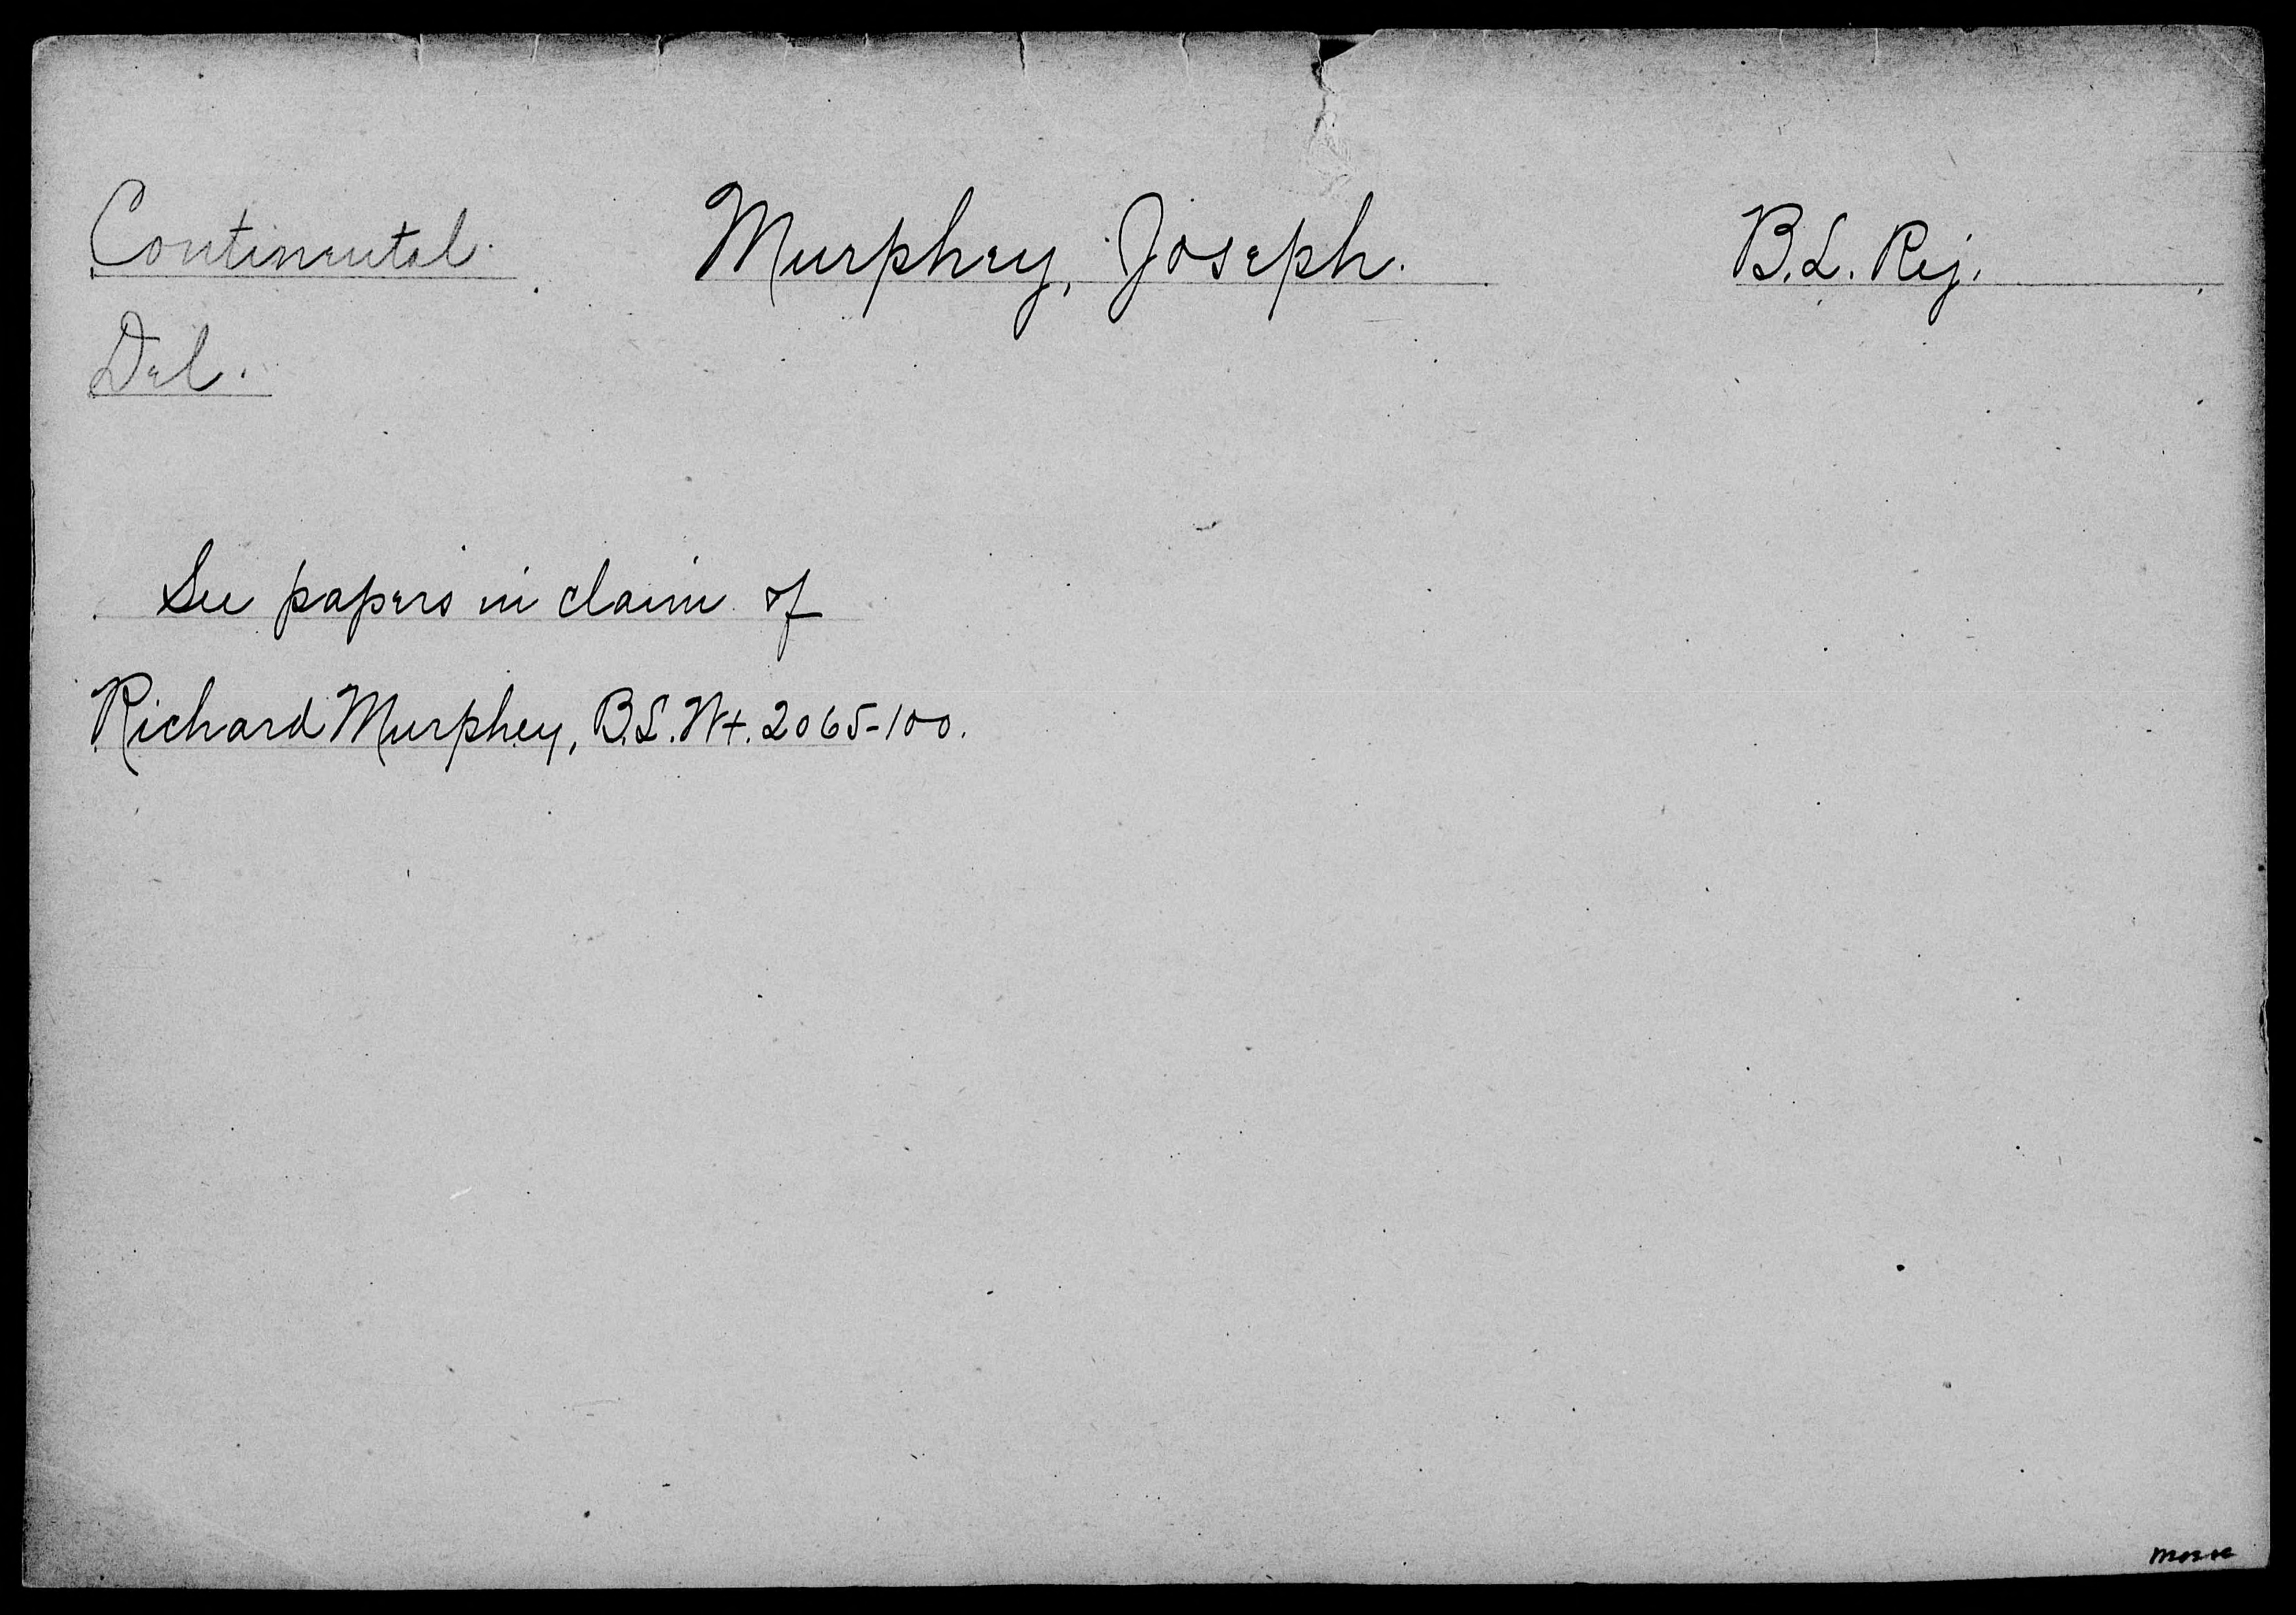[handwritten]

Continental [underlined]
Del. [underlined]
Murphy, Joseph [underlined]
B. L. Rej. [underlined]
See papers in claim of Richard Murphey,
B. L. Wt. 2065-100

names: Richard Murphey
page: 1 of 1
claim: bounty land warrant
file: B. L. Wt. 2065-100, for Joseph Murphey, Delaware